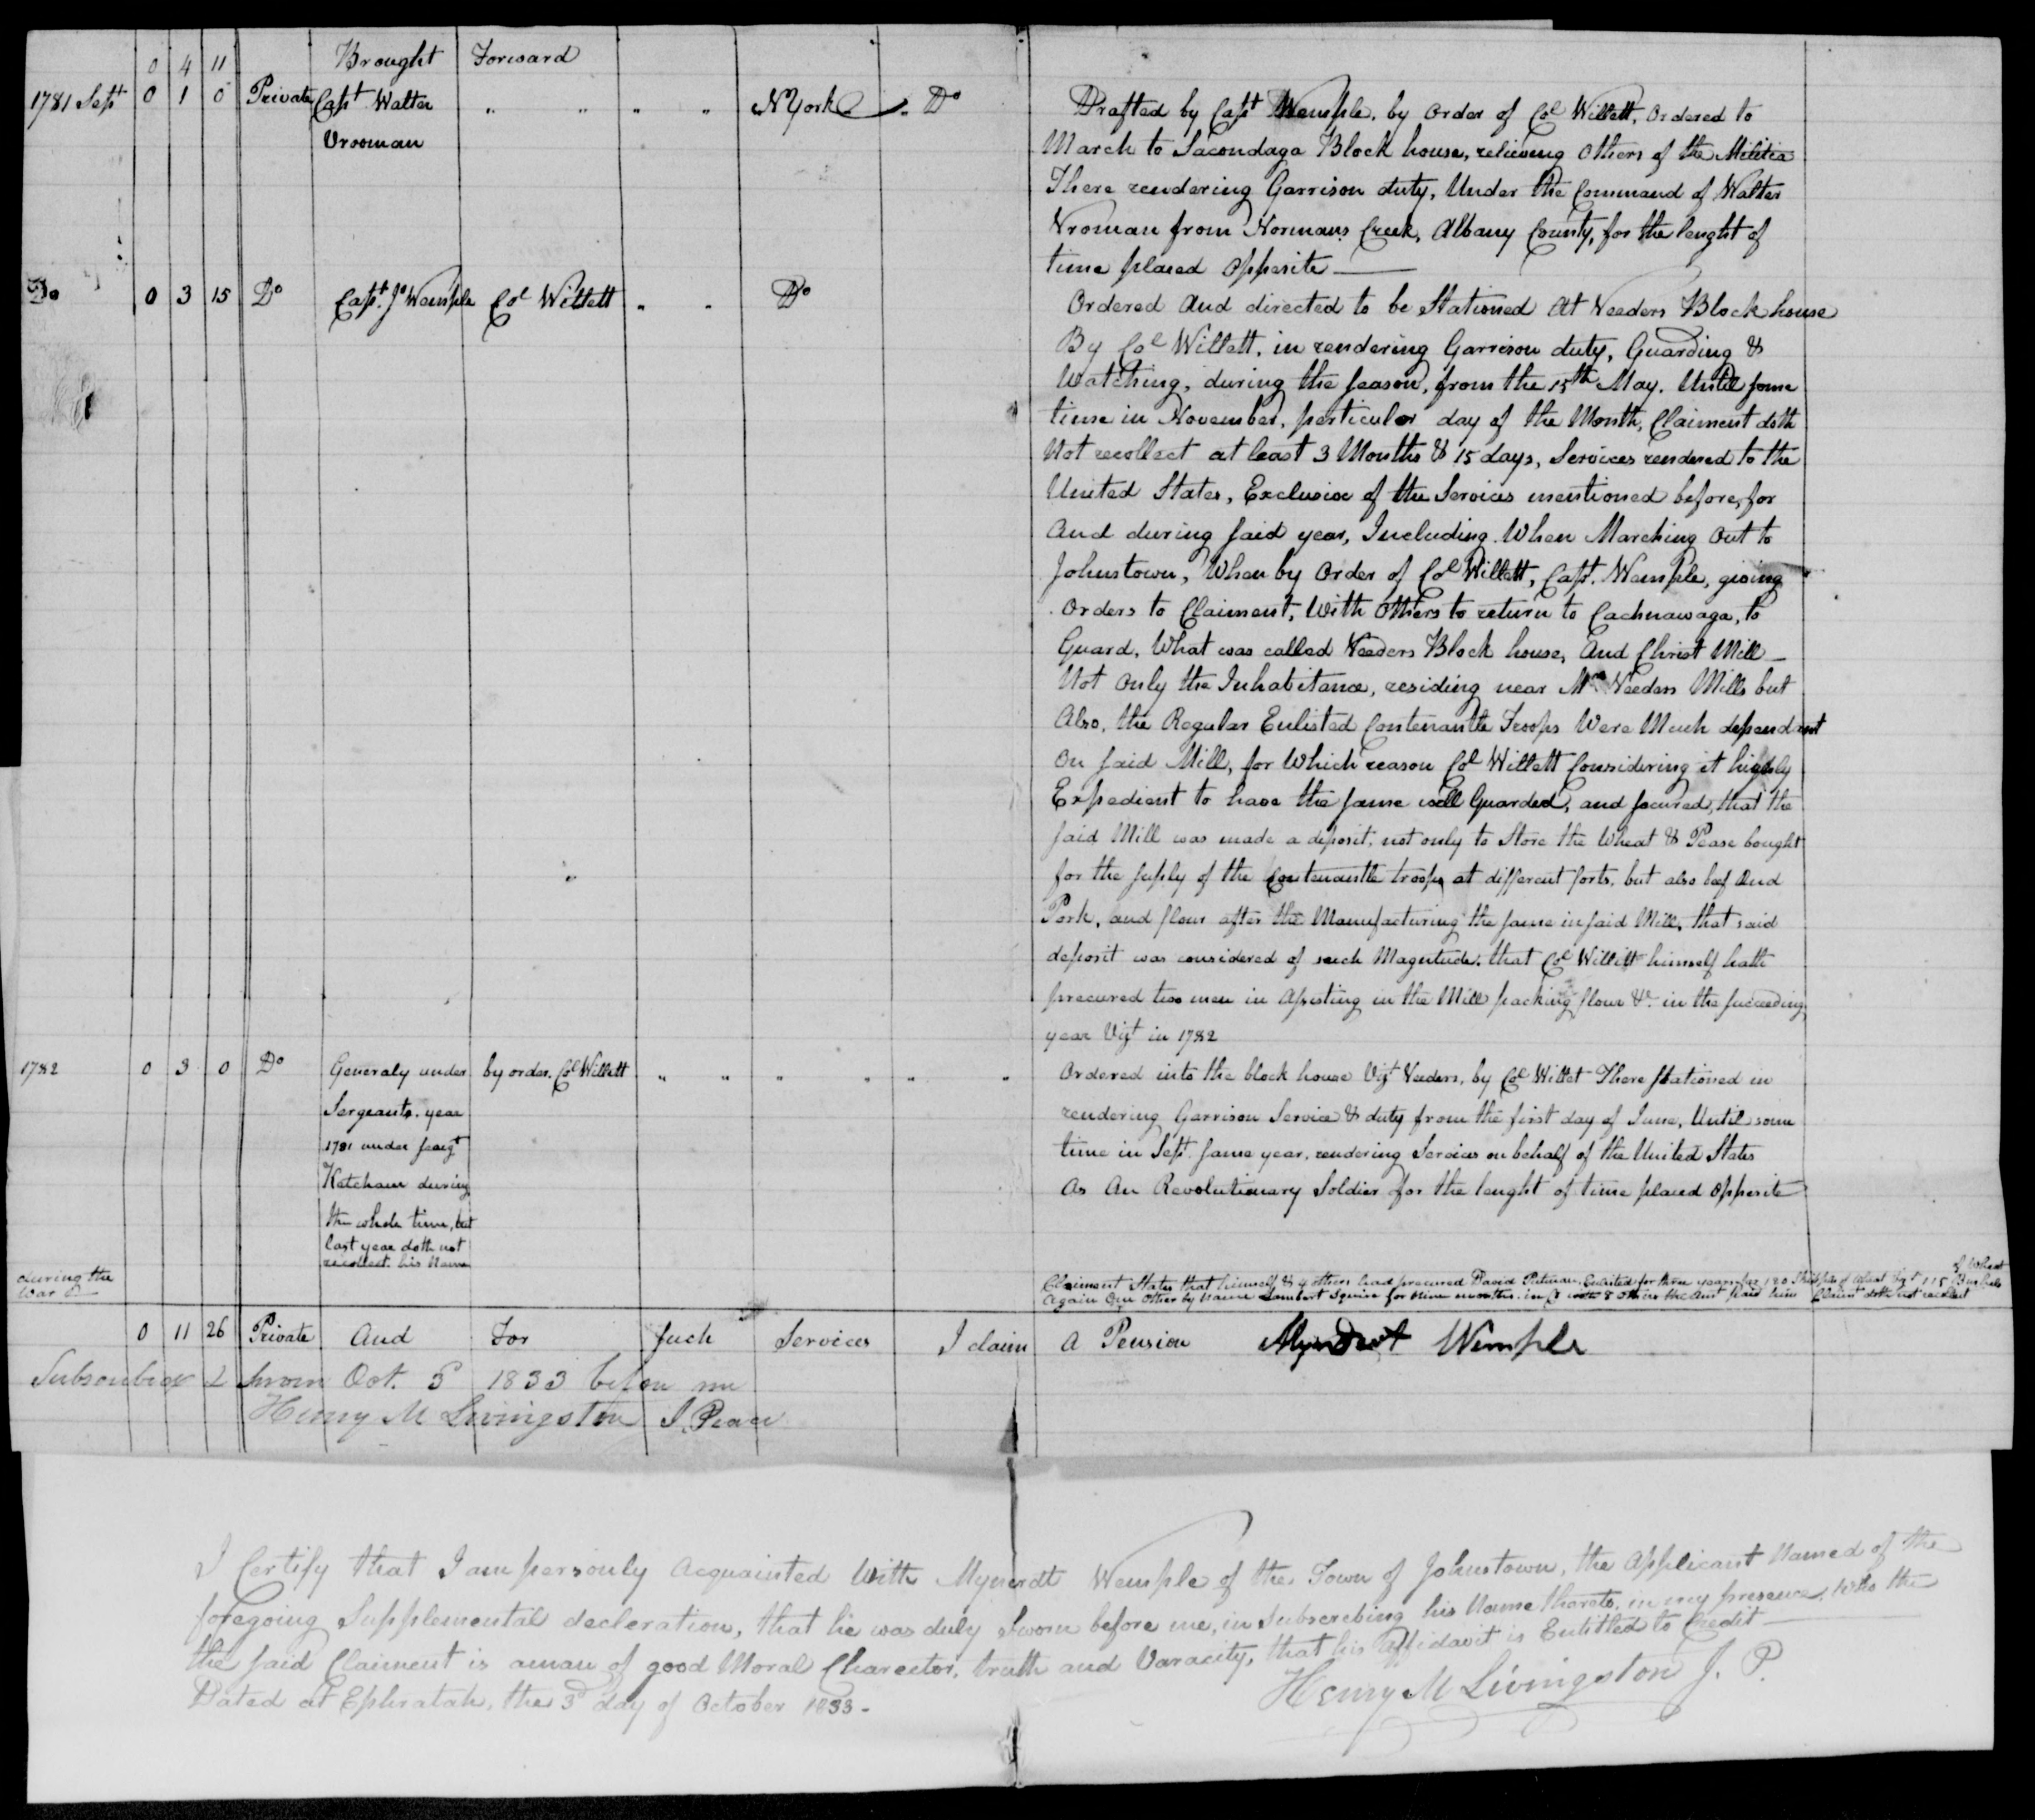(continuation of columns from previous page)

| 0 /4 /11 |
1781 Sept  
| 0 / 1 / 0 |

Private

Brought
Capt Walter
Vroman

Forward
"  "
"  "
N.York
"Do

Do 
| 0 / 3/ 15 | 
Do
Capt. Jn Wemple
Col Willett
"  " 
Do


1782
| 0 / 3 / 0 |
Do
Generaly (Generally) under Sergeant, year 1781 under seart(sergt?) Ketcham during the whole time, but last year doth not recollect his name.

by order. Col Willett
"  "
"  "
"  "


(in far right side column)
 Drafted by Capt. Wemple, by order of Col Willett, ordered to
March to Sacondaga(Sacandaga) Block house, relieving others of the Militia There rendering Garrison duty, Under the Command of Walter Vroman from Norman's Creek, Albany County, for the lenght(length) of time placed opposite---
Ordered and directed to be Stationed at Veeder Block house
by Col Willett, in rendering Garrison duty, Guarding & 
Watching, during the season, from the 15th May, Until some
time in November, particular day of the month, Claiment 
doth not recollect at least 3 months & 15 days, Services rendered to the
United States, Exclusive of the Services mentioned before, for
and during said year, Including When Marching out to
Johnstown, When by order of Col Willett, Capt. Wemple, giving orders to Claiment, With others to return to Cachnawaga(Caughnawaga?), to
Guard, What was called Veeders Block house, and Christ Mill
Not only the Inhabitance, residing near Wm Veeders Mills but
Also the Regular Enlisted Contenantle(Continental) Troops Were Much dependant
on said Mill, for which reason Col Willett Considering it highly
Expedient to have the same well Guarded, and secured, that the
said Mill was made a deposit, not only to Store the Wheat & Pease bought
for the supply of the Contenantle(Continental) troops at different forts, but also beef and
Pork, and flour after the Manufacturing the same in said Mill, that said
deposit was considered of such Magntude(magnitude). that Col Willett himself hath
precured two men in assisting in the Mill packing flour & in the succeeding year vizt in 1782
Ordered into the block house Vizt Veeder, by Col Willet There stationed in
rendering Garrison Service & duty from the first day of June, Until some
time in Sept. same year, rendering Services on behalf of the United States
as a Revolutionary Soldier for the lenght(length)of time placed opposite

during the war--
Claiment States that himself & 4 others had precured David Putman. Enlisted for three years for 120 Ship[illegible] of wheat  & 115 Bushels of wheat 
Again one other by name Lambert Squire for nine months in  CO with 8 others amt paid him Claiment doth not recollect

=========
| 0/ 11/ 26 |

Private And For such Services I claim a Pension   
Myndert Wemple

Subscribed & Sworn Oct. 3d 1833 before me
Henry M Livingston  J. Peace

I Certify that I am personly(personally) acquainted Myndert Wemple of the Town of Johnstown, the applicant named of the foregoing Supplemental declaration, that he was duly Sworn before me, in Subscribing his name thereto, in my presence. Who the the said Claiment is a man of good Moral Charector(character), truth and Varacity(veracity), that his affidavit is Entitled to Credit------
Dated at Ephratah, the 3d day of October 1833.
Henry M Livingston J.P.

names: Walter Vrooman, Lambert Squier, Wemple, Walter Vroman, Myndert Wemple, Henry M Livingston, Willett, J Wemple, David Putman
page: 14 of 51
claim: widow's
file: W. 19604, Myndert B Wemple, New York